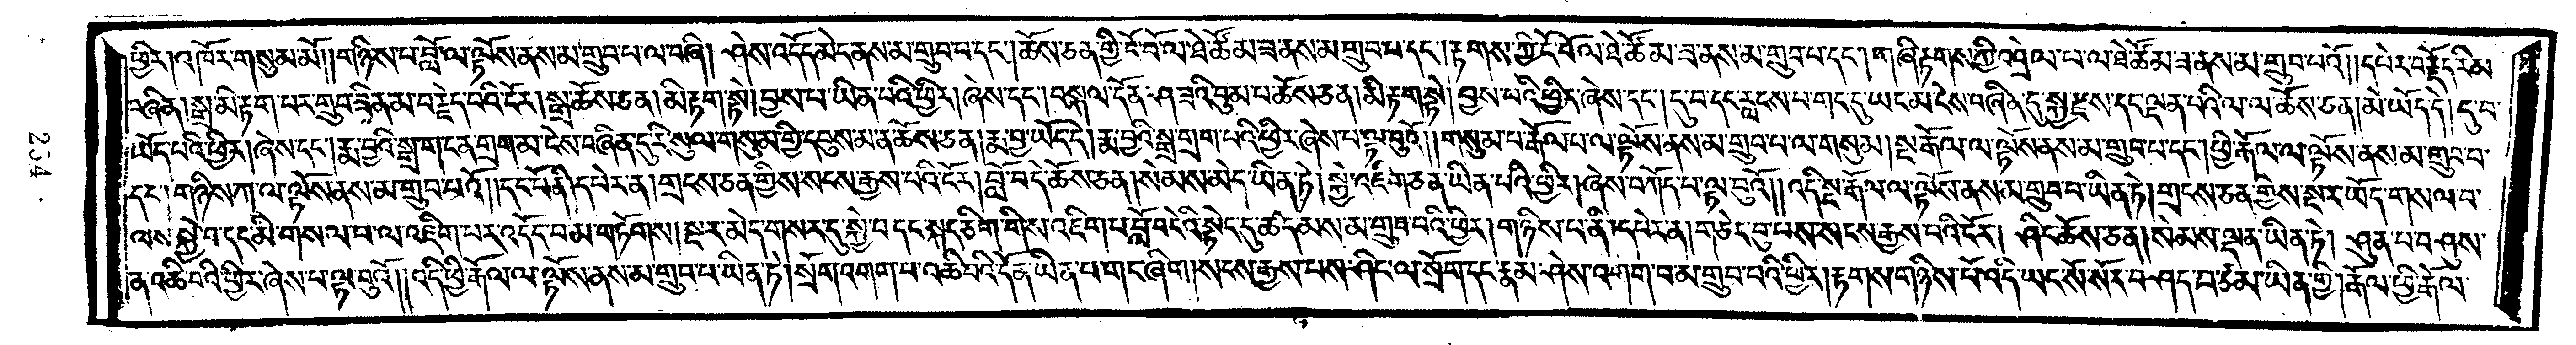ཕྱིར། འཁོར་གསུམ་མོ། །གཉིས་པ་བློ་ལ་ལྟོས་ནས་མ་གྲུབ་པ་ལ་བཞི། ཤེས་འདོད་མེད་ནས་མ་གྲུབ་པ་དང་། ཆོས་ཅན་གྱི་ངོ་བོ་ལ་ཐེ་ཚོམ་ཟ་ནས་མ་གྲུབ་པ་དང་། རྟགས་ཀྱི་ངོ་བོ་ལ་ཐེ་ཚོམ་ཟ་ནས་མ་གྲུབ་པ་དང་། གཞི་རྟགས་ཀྱི་འབྲེལ་བ་ལ་ཐེ་ཚོམ་ཟ་ནས་མ་གྲུབ་པའོ། །དཔེར་བརྗོད་རིམ་པ་
བཞིན། སྒྲ་མི་རྟག་པར་གྲུབ་ཟིན་མ་བརྗོད་པའི་ངོར། སྒྲ་ཆོས་ཅན། མི་རྟག་སྟེ། བྱས་པ་ཡིན་པའི་ཕྱིར། ཞེས་དང་། བསྐལ་དོན་ཤ་ཟའི་བུམ་པ་ཆོས་ཅན། མི་རྟག་སྟེ། བྱས་པའི་ཕྱིར་ཞེས་དང་། དུ་བ་དང་རླངས་པ་གང་དུ་ཡང་མ་ངེས་བཞིན་དུ་སྐྱེ་རྫས་དང་ལྡན་པའི་ལ་ལ་ཆོས་ཅན། མེ་ཡོད་དེ། དུ་བ་
ཡོད་པའི་ཕྱིར། ཞེས་དང་། རྨ་བྱའི་སྒྲ་གང་ན་གྲག་མ་ངེས་བཞིན་དུ་རི་སུལ་གསུམ་གྱི་དབུས་མ་ན་ཆོས་ཅན། རྨ་བྱ་ཡོད་དེ། རྨ་བྱའི་སྒྲ་གྲག་པའི་ཕྱིར་ཞེས་པ་ལྟ་བུའོ། །གསུམ་པ་རྒོལ་བ་ལ་ལྟོས་ནས་མ་གྲུབ་པ་ལ་གསུམ། སྔ་རྒོལ་ལ་ལྟོས་ནས་མ་གྲུབ་པ་དང་། ཕྱི་རྒོལ་ལ་ལྟོས་ནས་མ་གྲུབ་པ་
དང་། གཉིས་ཀ་ལ་ལྟོས་ནས་མ་གྲུབ་པའོ། །དང་པོ་ནི། དཔེར་ན། གྲངས་ཅན་གྱིས་སངས་རྒྱས་པའི་ངོར། བློ་བདེ་ཆོས་ཅན། སེམས་མེད་ཡིན་ཏེ། སྐྱེ་འཇིག་ཅན་ཡིན་པའི་ཕྱིར། ཞེས་བཀོད་པ་ལྟ་བུའོ། །འདི་སྔ་རྒོལ་ལ་ལྟོས་ནས་མ་གྲུབ་པ་ཡིན་ཏེ། གྲངས་ཅན་གྱིས་སྔར་ཡོད་གསལ་བ་
ལས་སྐྱེ་བ་དང་མི་གསལ་བ་ལ་འཇིག་པར་འདོད་པ་མ་གཏོགས། སྔར་མེད་གསར་དུ་སྐྱེ་བ་དང་སྐད་ཅིག་གིས་འཇིག་པ་བློ་བདེའི་སྟེང་དུ་ཚད་མས་མ་གྲུབ་པའི་ཕྱིར། གཉིས་པ་ནི། དཔེར་ན། གཅེར་བུ་པས་སངས་རྒྱས་པའི་ངོར། ཤིང་ཆོས་ཅན། སེམས་ལྡན་ཡིན་ཏེ། ཤུན་པ་བཤུས་
ན་འཆི་བའི་ཕྱིར་ཞེས་པ་ལྟ་བུའོ། །འདི་ཕྱི་རྒོལ་ལ་ལྟོས་ནས་མ་གྲུབ་པ་ཡིན་ཏེ། སྲོག་འགག་པ་འཆི་བའི་དོན་ཡིན་པ་གང་ཞིག །སངས་རྒྱས་པས་ཤིང་ལ་སྲོག་དང་རྣམ་ཤེས་འགག་པ་མ་གྲུབ་པའི་ཕྱིར། རྟགས་གཉིས་པ་འདི་ཡང་སོ་སོར་བཤད་པ་ཙམ་ཡིན་གྱི། རྒོལ་ཕྱི་རྒོལ་